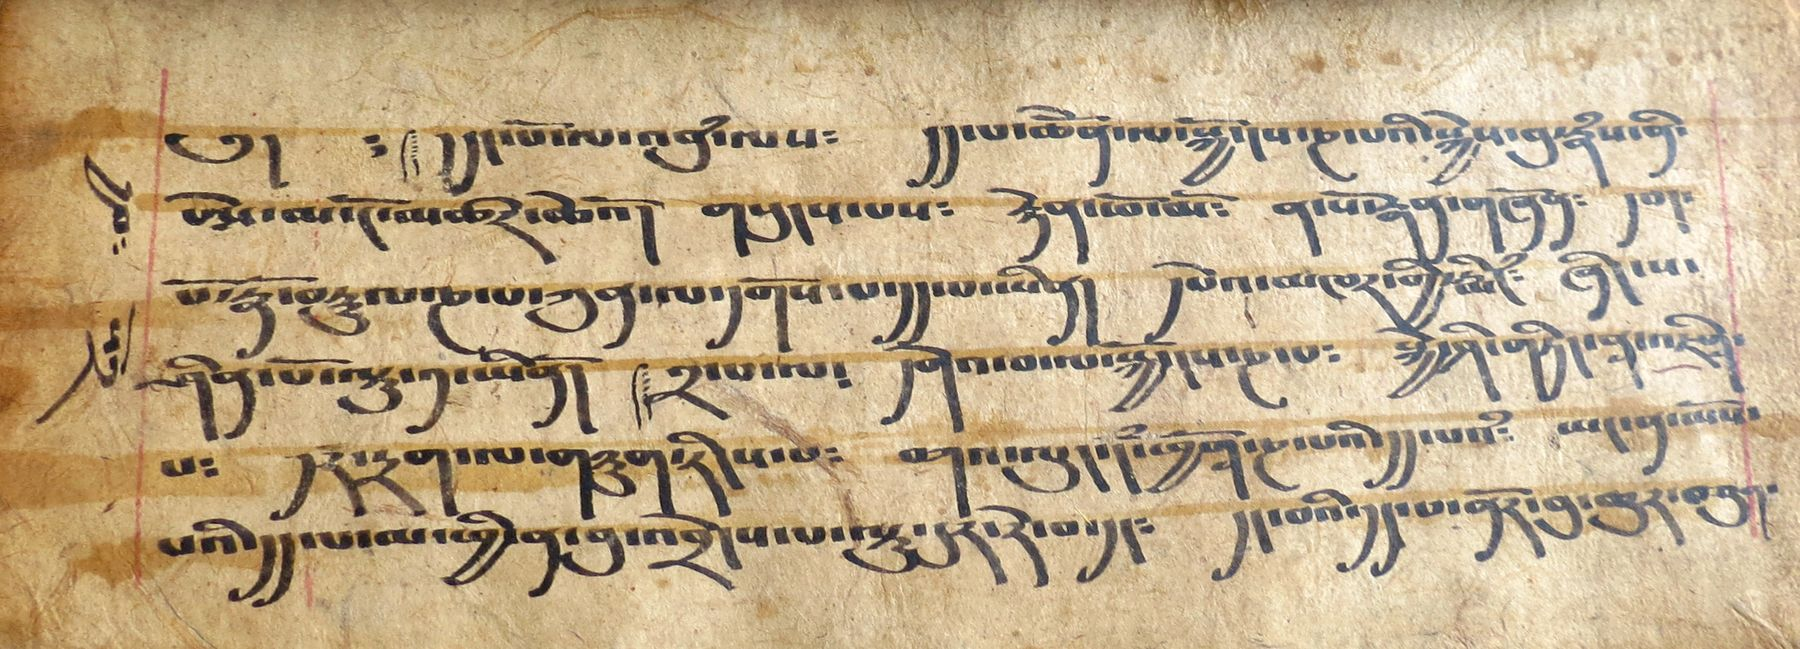དང་པོ་ལ། འབུམ་ལས། དད་པ་ཆེན་པོ་ལ་སྐྱོ་ངལ་མེད་པའི་སྐྱེས་བུ་རྣམས་ནི་
ཨེ་མ་ངོ་མཚར་ཆེའོ། གསུངས་པས། རྟེན་ཕོ་མོ། ན་སོ་རྒན་གཞོན། དབང་
པོ་རྣོ་རྟུལ་མེད་པ་ཀུན་ལ་དགོས་པ་དད་པ་ཡིན། དཔེ་མཁར་གྱི་རྨིང་ངམ། ཞིང་ས་
གཤིན་པོ་ལྟ་བུ་ཞིག་ཡིན་ནོ། ། གཉིས་པ་ལ། དགེ་བ་ལ་སྐྱོ་ངལ་མེད་པ། སྐྱེ་ཤི་གཏིང་ནས་འཇིགས་པ། 
དར་དྲགས་ལ་གཉུག་རིང་བ། བཀའ་ལུང་ལ་ངོམས་ཕྱོགས་མེད་པའི་དད་པའམ། ཡང་ན་མོས་
པའི་དད་པ་མ་ཕྱིར་དུ་བུ་འབྲིང་བ་ལྟ་བུར་ཐུར་རེ་བ། དྭངས་བའི་དད་པ་ནོར་བུ་ཆུར་བཅུགས་